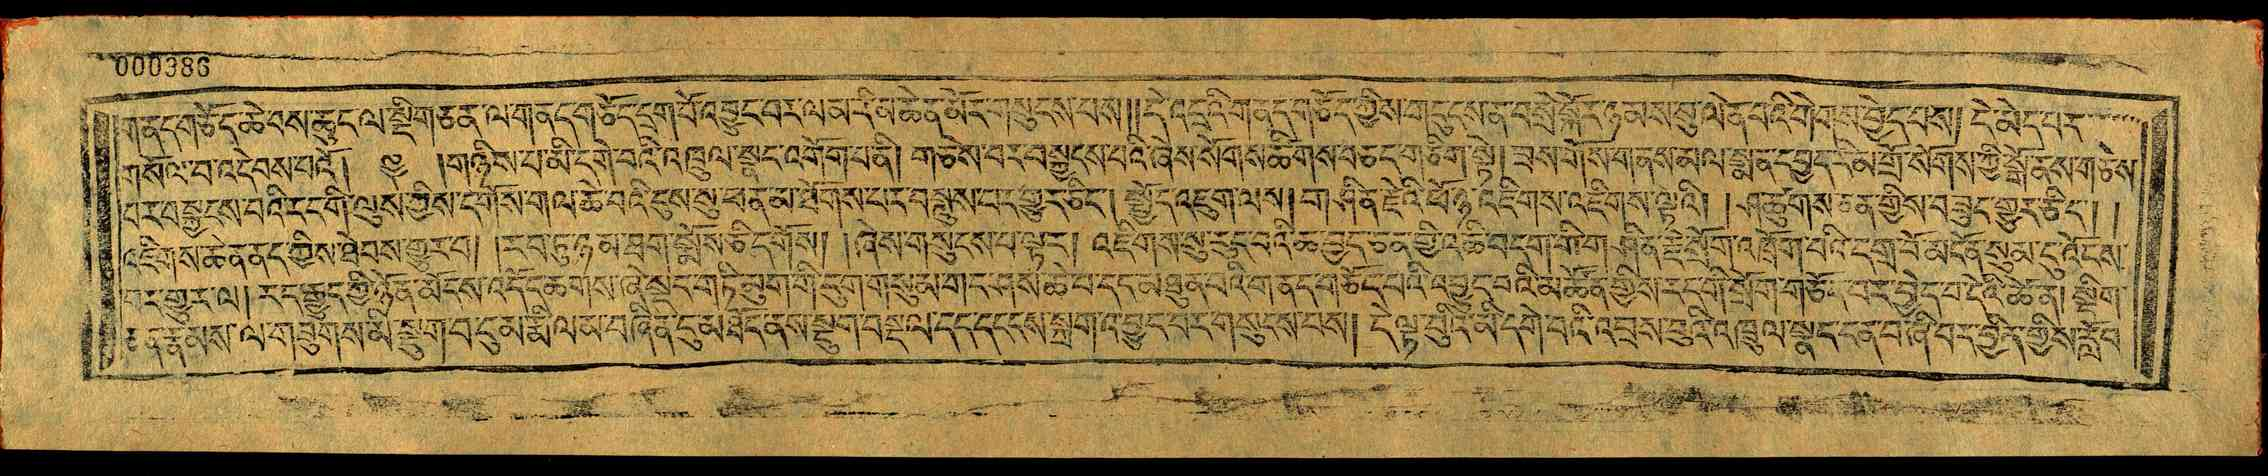གནད་གཅོད་ཚབས་ཆུང་ལ་སྡིག་ཅན་ལ་གནད་གཅོད་དྲག་པོ་འབྱུང་བར་ལམ་རིམ་ཆེན་མོར་གསུངས་པས། །དེ་འདྲའི་གནད་གཅོད་ཀྱིས་གདུངས་ན་བསྲེ་སྐོར་ཉམས་སུ་ལེན་པའི་གེགས་བྱེད་པས། དེ་མེད་པར་
གསོལ་བ་འདེབས་པའོ། ༈ །གཉིས་པ་མི་དགེ་བའི་འཁྲུལ་སྣང་འགོག་པ་ནི། གཅེས་པར་བསྐྱངས་པའི་ཞེས་སོགས་ཚིགས་བཅད་གཅིག་སྟེ། ཟས་གོས་གནས་མལ་སྨན་དཔྱད་རིམ་གྲོ་སོགས་ཀྱི་སྒོ་ནས་གཅེས་
བར་བསྐྱངས་པའི་རང་གི་ལུས་ཀྱིས་དགོས་གལ་ཆེ་བའི་དུས་སུ་ཕན་མ་ཐོགས་པར་བསླུས་པར་གྱུར་ཅིང་། སྤྱོད་འཇུག་ལས། གཤིན་རྗེའི་ཕོ་ཉ་འཇིགས་འཇིགས་ལྟའི། །ཤ་ཚུགས་ཅན་གྱིས་བཟུང་གྱུར་ཅིང་། །
འཇིགས་ཆེན་ནད་ཀྱིས་ཐེབས་གྱུར་པ། །རབ་ཏུ་ཉམ་ཐག་སྨོས་ཅི་དགོས། །ཞེས་གསུངས་པ་ལྟར། འཇིགས་སུ་རུང་བའི་ཆ་བྱད་ཅན་གྱི་འཆི་བདག་གི་གཤིན་རྗེ་སྲོག་འཕྲོག་པའི་དགྲ་བོ་མངོན་སུམ་དུ་འོངས་
བར་གྱུར་ལ། རང་རྒྱུད་ཀྱི་ཉོན་མོངས་འདོད་ཆགས་ཞེ་སྡང་གཏི་མུག་གི་དུག་གསུམ་གང་ཤས་ཆེ་བ་དང་མཐུན་པའི་གནད་གཅོད་པའི་འབྱུང་བའི་མཚོན་གྱིས་རང་གི་སྲོག་གཅོད་པར་བྱེད་པ་དེའི་ཚེ་ན། སྡིག་
ཅན་རྣམས་ལ་གཟུགས་མི་སྡུག་པ་དུ་མ་རྨི་ལམ་བཞིན་དུ་མཐོང་ནས་སྡུག་བསྔལ་དང་དངངས་སྐྲག་འབྱུང་བར་གསུངས་པས། དེ་ལྟ་བུའི་མི་དགེ་བའི་འབྲས་བུའི་འཁྲུལ་སྣང་ངན་པ་ཞི་བར་བྱིན་གྱིས་རློབས་